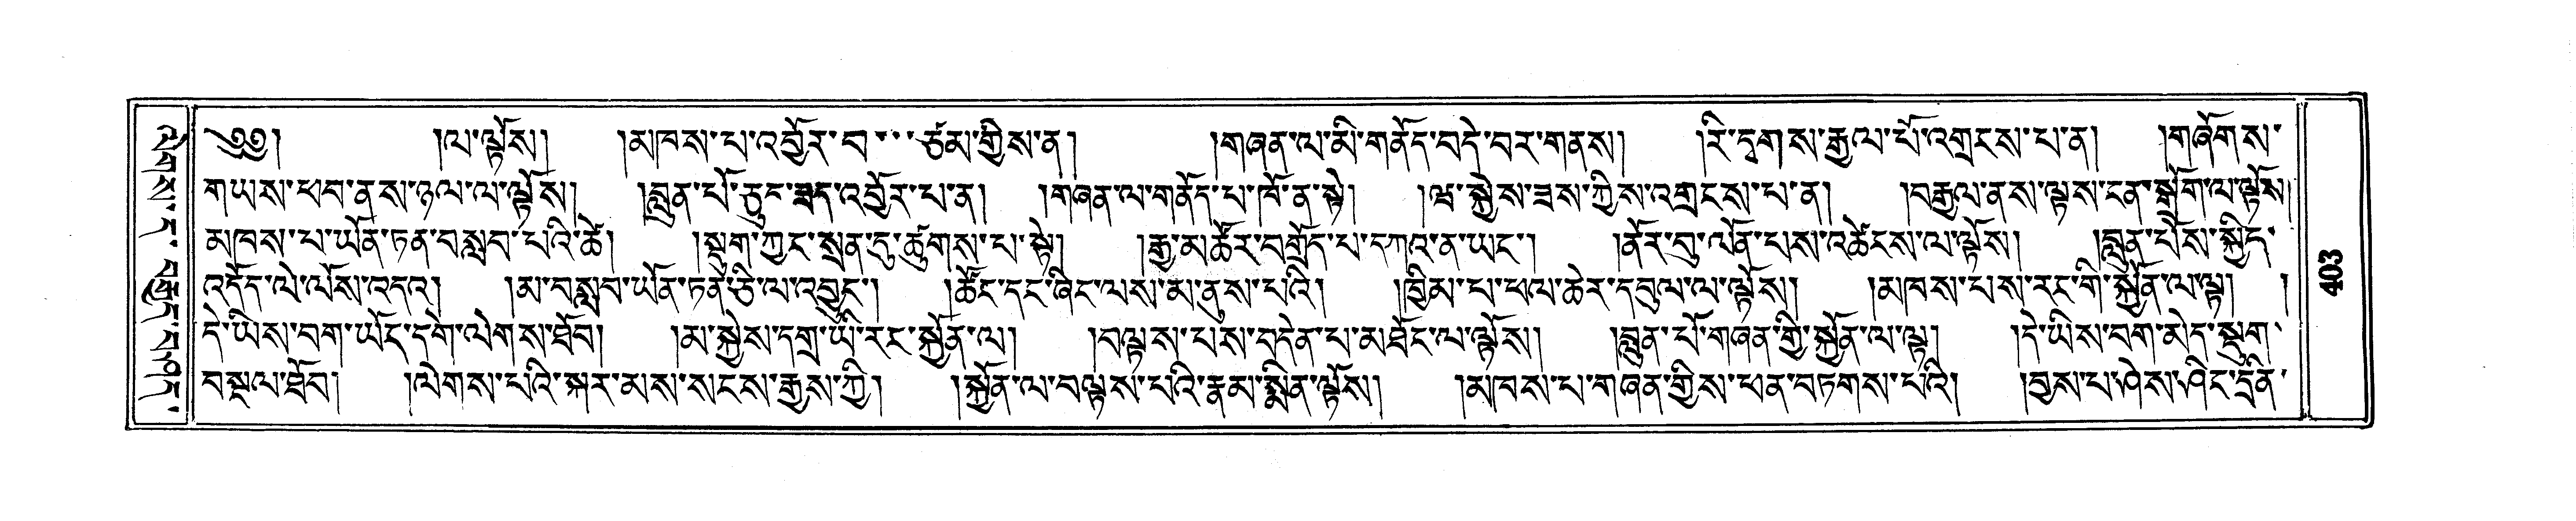༄༅། །ལ་ལྟོས། །མཁས་པ་འབྱོར་བ་ཙམ་གྱིས་ན། །གཞན་ལ་མི་གནོད་བདེ་བར་གནས། །རི་དྭགས་རྒྱལ་པོ་འགྲངས་པ་ན། །གཞོགས་
གཡས་ཕབ་ནས་ཉལ་ལ་ལྟོས། །བླུན་པོ་ཅུང་ཟད་འབྱོར་པ་ན། །གཞན་ལ་གནོད་པ་ཁོ་ན་སྟེ། །ཝ་སྐྱེས་ཟས་ཀྱིས་འགྲངས་པ་ན། །བརྒྱལ་ནས་ལྟས་ངན་སྒྲོག་ལ་ལྟོས།
མཁས་པ་ཡོན་ཏན་བསླབ་པའི་ཚེ། །སྡུག་ཀྱང་སྲན་དུ་ཚུགས་པ་སྟེ། །རྒྱ་མཚོར་བགྲོད་པ་དཀའ་ན་ཡང་། །ནོར་བུ་ལོན་པས་འཚེངས་ལ་ལྟོས། །བླུན་པོས་སྐྱིད་
འདོད་ལེ་ལོས་འདའ། །མ་བསླབ་ཡོན་ཏན་ཅི་ལ་འབྱུང་། །ཚོང་དང་ཞིང་ལས་མ་ནུས་པའི། །ཁྱིམ་པ་ཕལ་ཆེར་དབུལ་ལ་ལྟོས། །མཁས་པས་རང་གི་སྐྱོན་ལ་ལྟ། །
དེ་ཡིས་བག་ཡོད་དགེ་ལེགས་ཐོབ། །མ་སྐྱེས་དགྲ་ཡི་རང་སྐྱོན་ལ། །བལྟས་པས་བདེན་པ་མཐོང་ལ་ལྟོས། །བླུན་པོ་གཞན་གྱི་སྐྱོན་ལ་ལྟ། །དེ་ཡིས་བག་མེད་སྡུག་
བསྔལ་ཐོབ། །ལེགས་པའི་སྐར་མས་སངས་རྒྱས་ཀྱི། །སྐྱོན་ལ་བལྟས་པའི་རྣམ་སྨིན་ལྟོས། །མཁས་པ་གཞན་གྱིས་ཕན་བཏགས་པའི། །བྱས་པ་ཤེས་ཤིང་དྲིན་